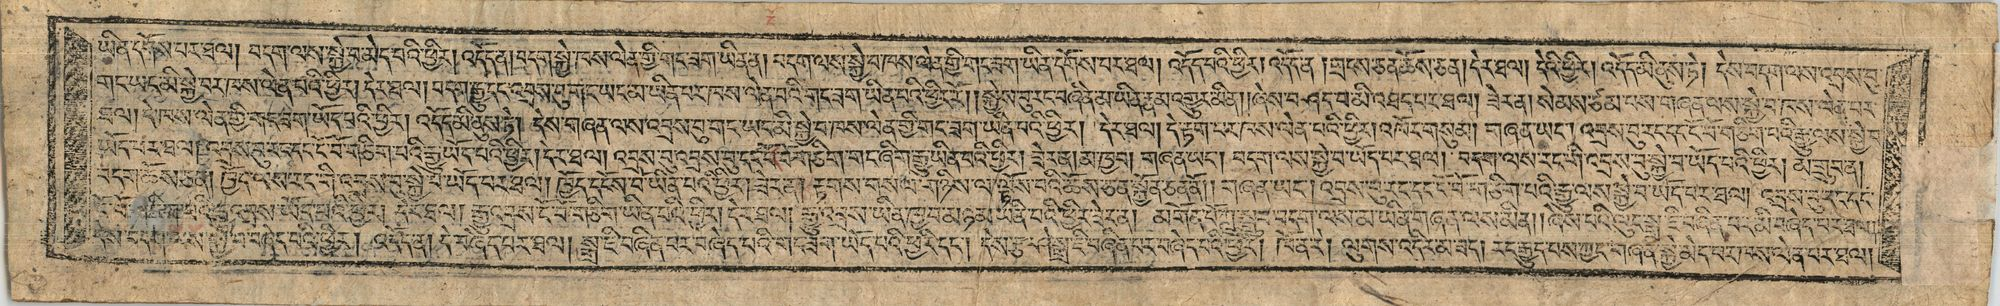ཡིན་དགོས་པར་ཐལ། བདག་ལས་སྐྱེ་བ་མེད་པའི་ཕྱིར། འདོད་ན། བདག་སྐྱེ་ཁས་ལེན་གྱི་གང་ཟག་ཡིན་ན། བདག་ལས་སྐྱེ་བ་ཁས་ལེན་གྱི་གང་ཟག་ཡིན་དགོས་པར་ཐལ། འདོད་པའི་ཕྱིར། འདོད་ན། གྲངས་ཅན་ཆོས་ཅན། དེར་ཐལ། དེའི་ཕྱིར། འདོད་མི་ནུས་ཏེ། དེས་བདག་ལས་འབྲས་བུ་
གང་ཡང་མི་སྐྱེ་བར་ཁས་ལེན་པའི་ཕྱིར། དེར་ཐལ། བདག་རྒྱུ་དང་འབྲས་བུ་གང་ཡང་མ་ཡིན་པར་ཁས་ལེན་པའི་གང་ཟག་ཡིན་པའི་ཕྱིར་རོ། །སྐྱེས་བུ་རང་བཞིན་མ་ཡིན་རྣམ་འགྱུར་མིན། །ཞེས་བཤད་པ་མི་འཐད་པར་ཐལ། ཟེར་ན། སེམས་ཙམ་པས་གཞན་ལས་སྐྱེ་བ་ཁས་ལེན་པར་
ཐལ། དེ་ཁས་ལེན་གྱི་གང་ཟག་ཡོད་པའི་ཕྱིར། འདོད་མི་ནུས་ཏེ། དེས་གཞན་ལས་འབྲས་བུ་གང་ཡང་མི་སྐྱེ་བ་ཁས་ལེན་གྱི་གང་ཟག་ཡིན་པའི་ཕྱིར། དེར་ཐལ། དེ་རྟག་པར་ཁས་ལེན་པའི་ཕྱིར། འཁོར་གསུམ། གཞན་ཡང་། འབྲས་བུ་རང་དང་ངོ་བོ་གཅིག་པའི་རྒྱུ་ལས་སྐྱེ་བ་
ཡོད་པར་ཐལ། འབྲས་བུ་རང་དང་ངོ་བོ་གཅིག་པའི་རྒྱུ་ཡོད་པའི་ཕྱིར། དེར་ཐལ། འབྲས་བུ་འབྲས་བུ་དང་ངོ་བོ་གཅིག་གང་ཞིག་རྒྱུ་ཡིན་པའི་ཕྱིར། ཟེར་ན། མ་ཁྱབ། གཞན་ཡང་། བདག་ལས་སྐྱེ་བ་ཡོད་པར་ཐལ། བདག་ལས་རང་གི་འབྲས་བུ་སྐྱེ་བ་ཡོད་པའི་ཕྱིར། མ་གྲུབ་ན།
བདག་ཆོས་ཅན། ཁྱོད་ལས་རང་གི་འབྲས་བུ་སྐྱེ་བ་ཡོད་པར་ཐལ། ཁྱོད་དངོས་པོ་ཡིན་པའི་ཕྱིར། ཟེར་ན། རྟགས་གསལ་གཉིས་ལ་ལྟོས་པའི་ཆོས་ཅན་སྐྱོན་ཅན་ནོ། །གཞན་ཡང་། འབྲས་བུ་རང་དང་ངོ་བོ་གཅིག་པའི་རྒྱུ་ལས་སྐྱེ་བ་ཡོད་པར་ཐལ། འབྲས་བུ་རང་དང་
ངོ་བོ་གཅིག་པའི་རྒྱུ་འབྲས་ཡོད་པའི་ཕྱིར། དེར་ཐལ། རྒྱུ་འབྲས་ངོ་བོ་གཅིག་ཡིན་པའི་ཕྱིར། དེར་ཐལ། རྒྱུ་འབྲས་ཡིན་ཁྱབ་མཉམ་ཡིན་པའི་ཕྱིར་ཟེར་ན། མགོན་པོ་ཀླུ་སྒྲུབ་བདག་ལས་མ་ཡིན་གཞན་ལས་མིན། །ཞེས་པའི་ལུང་སྒྲ་ཇི་བཞིན་པར་མི་བཞེད་པར་ཐལ།
དེས་བདག་ལས་སྐྱེ་བ་བཞེད་པའི་ཕྱིར། འདོད་ན། དེ་བཞེད་པར་ཐལ། སྒྲ་ཇི་བཞིན་པར་བཞེད་པའི་གང་ཟག་ཡོད་པའི་ཕྱིར་དང་། དེས་རྩ་ཤེ་སྒྲ་ཇི་བཞིན་པར་བཞེད་པའི་ཕྱིར། ཁོ་ན་རེ། ལུགས་འདིར་མ་ཟད། རང་རྒྱུད་པས་ཀྱང་གཞན་སྐྱེ་མེད་པར་ཁས་ལེན་པར་ཐལ།